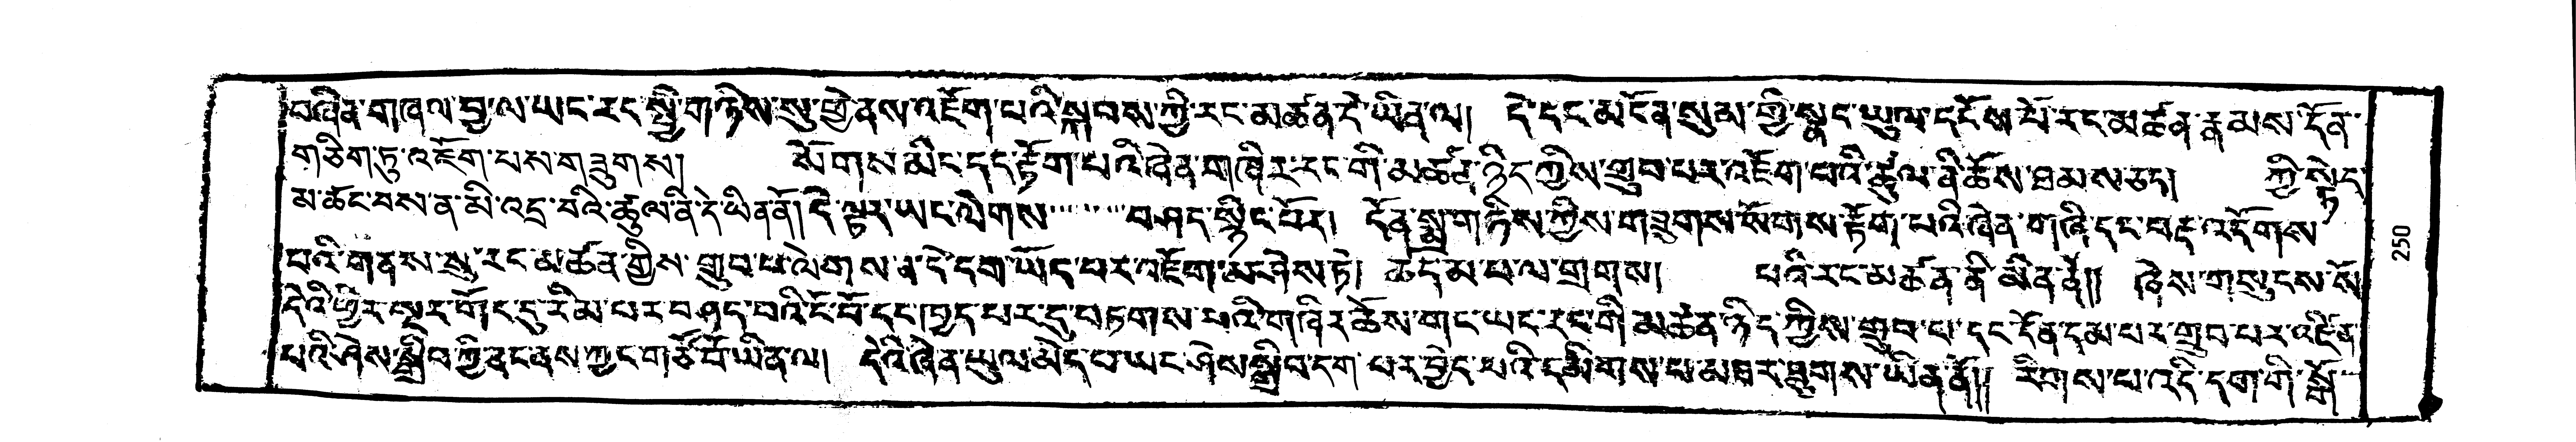བཞིན་གཞལ་བྱ་ལ་ཡང་རང་སྤྱི་གཉིས་སུ་ཕྱེ་ནས་འཇོག་པའི་སྐབས་ཀྱི་རང་མཚན་དེ་ཡིན་ལ། དེ་དང་མངོན་སུམ་གྱི་སྣང་ཡུལ་དངོས་པོ་རང་མཚན་རྣམས་དོན་
གཅིག་ཏུ་འཇོག་པས་གཟུགས། སོགས་མིང་དང་རྟོག་པའི་ཞེན་གཞིར་རང་གི་མཚན་ཉིད་ཀྱིས་གྲུབ་པར་འཇོག་པའི་ཚུལ་ནི་ཆོས་ཐམས་ཅད། ཀྱི་སྟེང་
མ་ཚང་བས་ན་མི་འདྲ་བའི་ཚུལ་ནི་དེ་ཡིན་ནོ། དེ་ལྟར་ཡང་ལེགས་བཤད་སྙིང་པོར། དོན་སྨྲ་གཉིས་ཀྱིས་གཟུགས་སོགས་རྟོག་པའི་ཞེན་གཞི་དང་བརྡ་འདོགས་
པའི་གནས་སུ་རང་མཚན་གྱིས་གྲུབ་པ་ཁེགས་ན་དེ་དག་ཡོད་པར་འཇོག་མ་ཤེས་ཏེ། ཚད་མ་པ་ལ་གྲགས། པའི་རང་མཚན་ནི་མིན་ནོ། །ཞེས་གསུངས་སོ་
དེའི་ཕྱིར་སྔར་གོང་དུ་རིམ་པར་བཤད་པའི་ངོ་བོ་དང་ཁྱད་པར་དུ་བཏགས་པའི་གཞིར་ཆོས་གང་ཡང་རང་གི་མཚན་ཉིད་ཀྱིས་གྲུབ་པ་དང་དོན་དམ་པར་གྲུབ་པར་འཛིན་
པའི་ཤེས་སྒྲིབ་ཀྱི་ནང་ནས་ཀྱང་ཙོ་བོ་ཡིན་ལ། དེའི་ཞེན་ཡུལ་མེད་པ་ཡང་ཤེས་སྒྲིབ་དག་པར་བྱེད་པའི་དམིགས་པ་མཐར་ཐུགས་ཡིན་ནོ། །རིགས་པ་འདི་དག་གི་སྒོ་